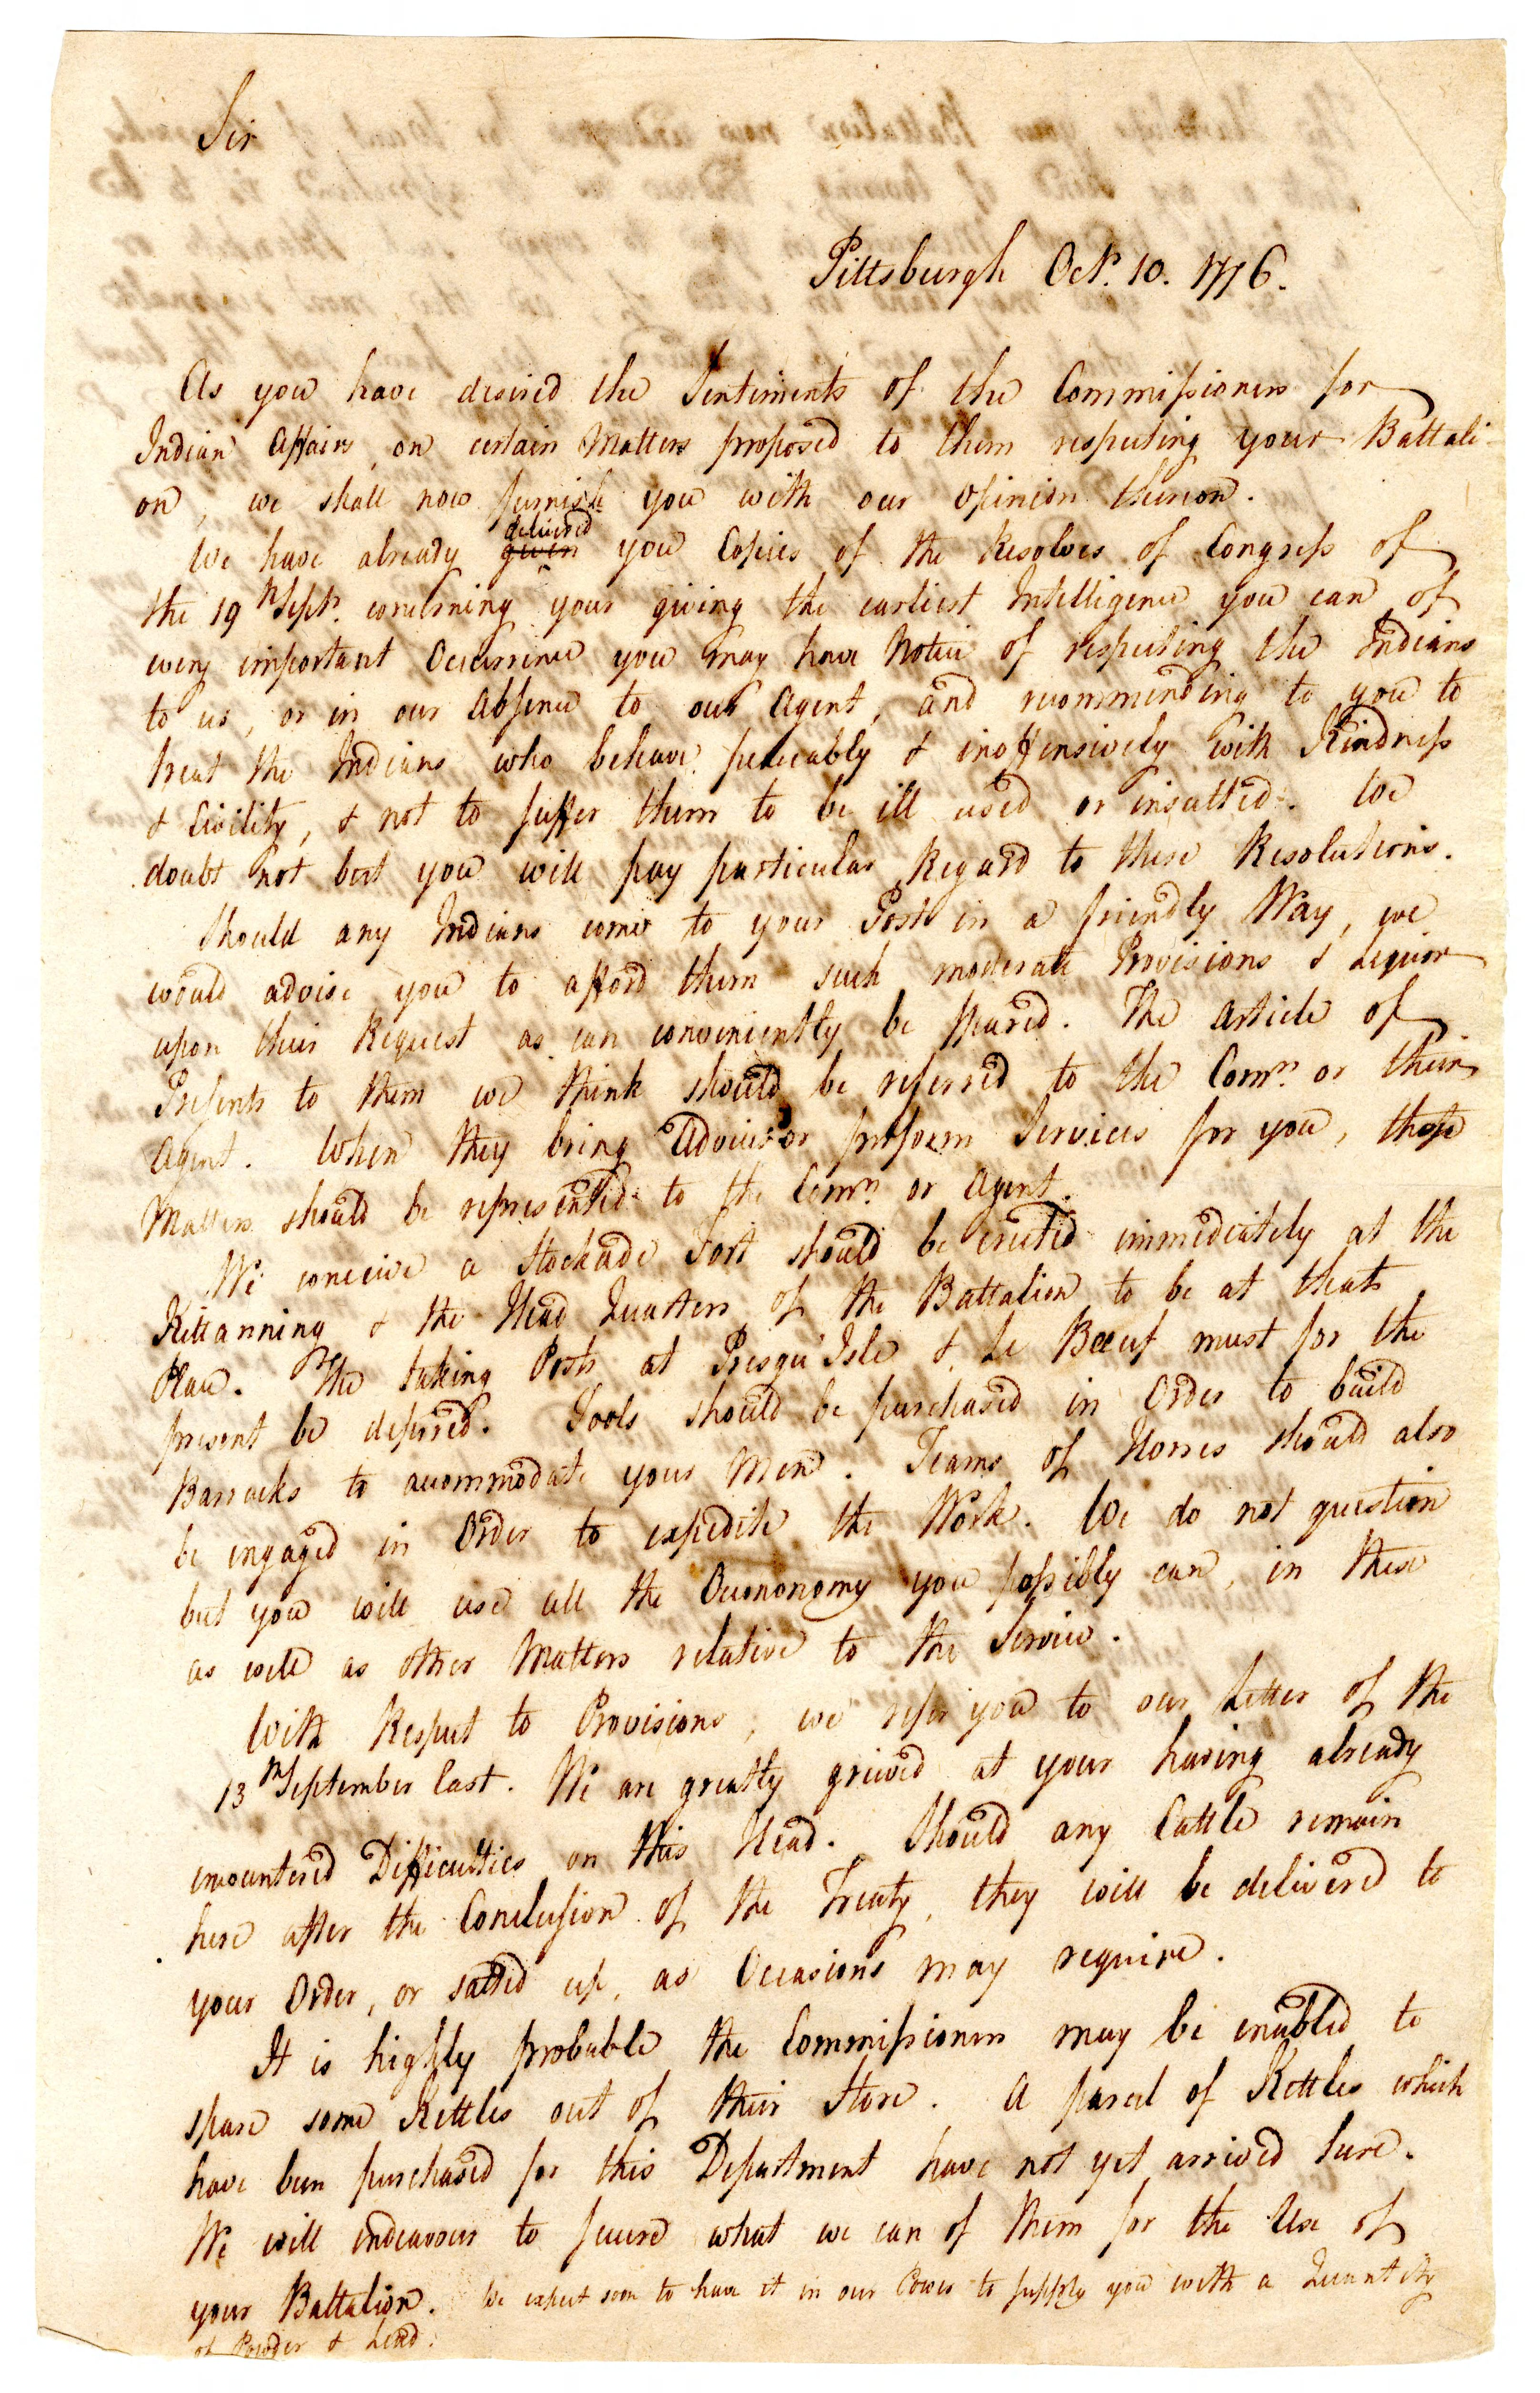Pittsburgh Oct^r. 10. 1776.
Sir
As you have desired the Sentiments of the Commissioners for
Indian Affairs, on certain Matters proposed to them respecting your Battali
on, we shall now furnish you with our opinion thereon.
We have already given ^ you Copies of the Resolves of Congress of
delivered
the 19^th Sept. concerning your giving the earliest Intelligence you can of
every important Occurrence you may have notice of respecting the Indians
to us or in our absence to our agent, and recommending to you to
treat the Indians who behave peaceably & inoffensively with Kindness
& Civility, & not to suffer them to be ill used or insulted. We
doubt not but you will pay particular Regard to these Resolutions.
Should any Indians come to your Post in a friendly Way, we
would advise you to afford them such moderate Provisions & Liquor
upon their Request as can conveniently be spared. The article of
Presents to them we think should be referred to the Com^r. or their
Agent. When they bring Advice or perform Services for you, those
Matters should be represented to the Com^r. or Agent.
We conceive a stockade fort should be erected immediately at the
Kittanning & the Head Quarters of the Battalion to be at that
Place. The trading Posts at Presqu' Isle & Le Boeuf must for the
present be defused. Tools should be purchased in Order to build
Barracks to accommodate your Men. Teams of Horses should also
be engaged in Order to expedite the Work. We do not question
but you will use all the Oeconomy you possibly can in these
as well as other Matters relative to the Service.
With Respect to Provisions, we refer you to our Letter of the
13^th September last. We are greatly grieved at your having already
encountered Difficulties on this Head. Should any Cattle remain
here after the Conclusion of the Treaty, they will be delivered to
your Order, or sattled up, as Occasions may require.
It is highly probable the Commissioners may be enabled to
spare some Kettles out of their Store. A parcel of Kettles which
have been purchased for this Department have not yet arrived here.
We will endeavour to secure what we can of them for the Use of
your Battalion. We expect soon to have it in our Power to supply you with a Quantity
of Powder & Lead.